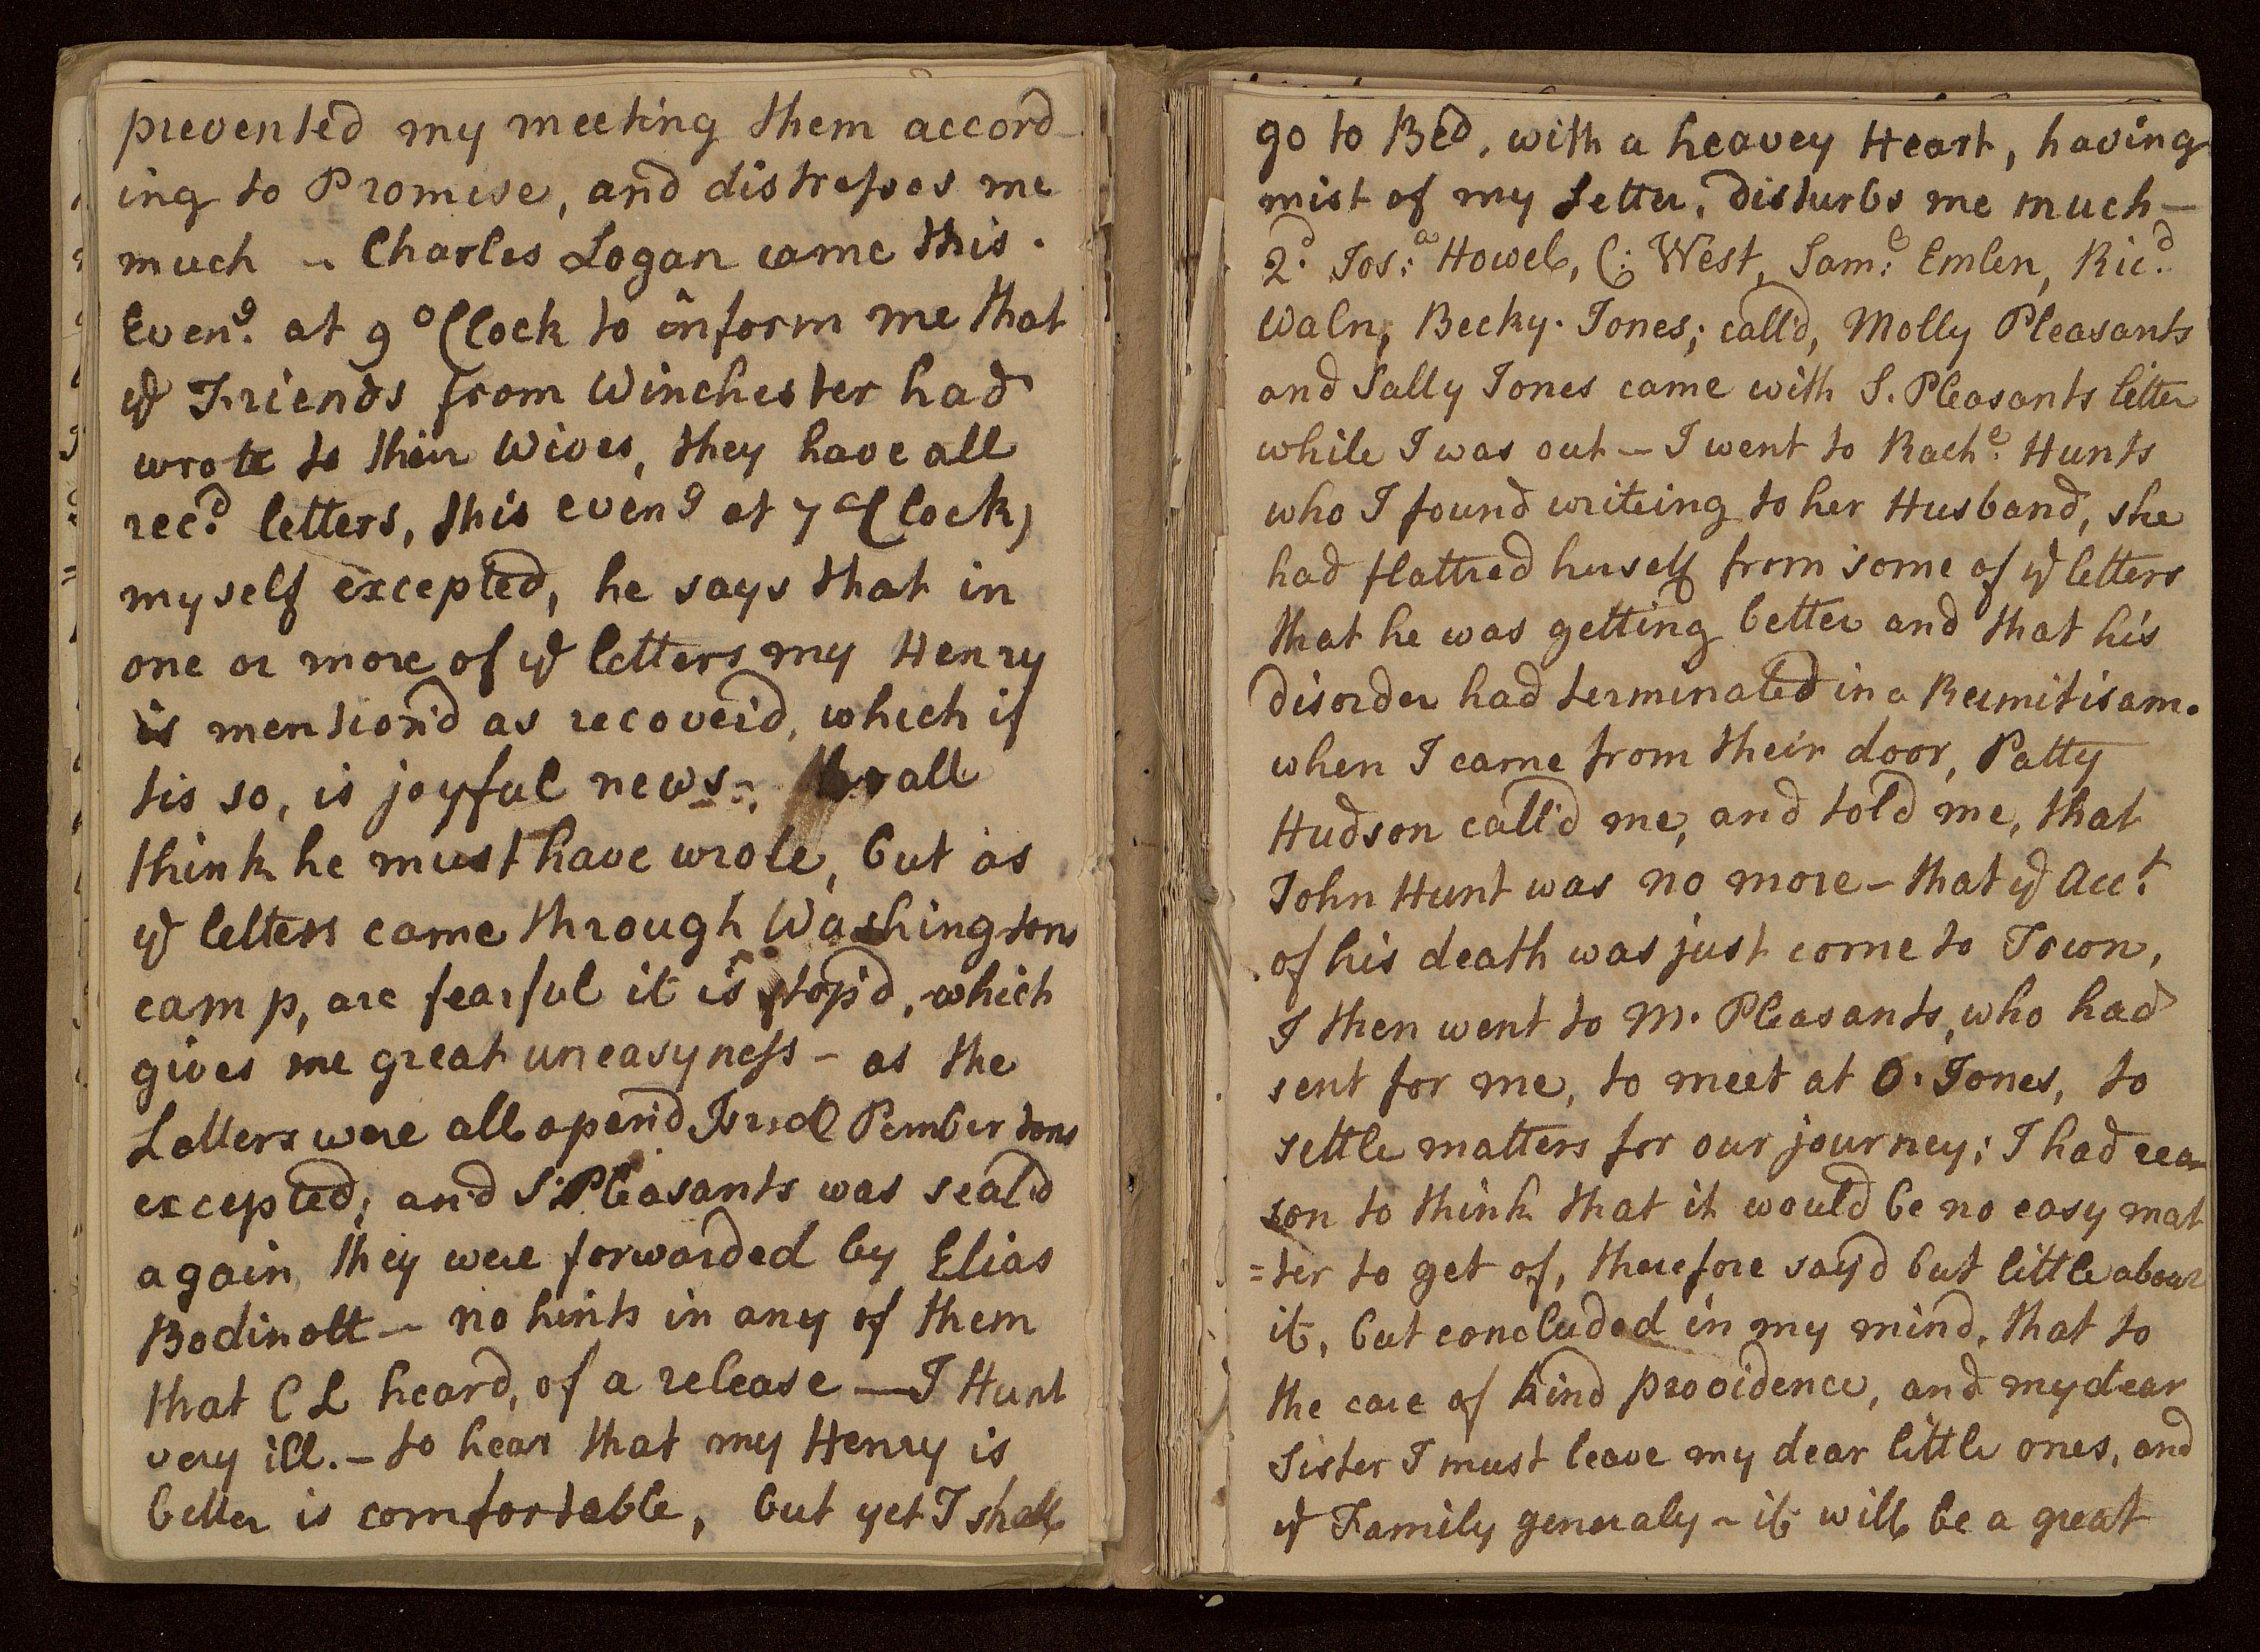prevented my meeting them accord
ing to Promise, and distresses me
much- Charles Logan came this.
Even^g. at 9 ^o Clock to inform me that
y^e Friends from Winchester had
wrote to their Wives, they have all
rec^d. letters, this even^g at 7 ^o Clock,
myself excepted, he says that in
one or more of y^e letters my Henry
is mention'd as recover'd, which if
tis so, is joyful news- We all
think he must have wrote, but as
y^e letters came through Washingtons
camp, are fearful it is stop'd, which
gives me great uneasyness- as the
Letters were all open'd Isarel Pembertons
excepted; and S Pleasants was seal'd
again, they were forwarded by Elias
Bodinott- no hints in any of them
that CL heard, of a release- J Hunt
very ill.- to hear that my Henry is
better is comfortable, but yet I shall
go to Bed, with a heavey Heart, having
mist of my Letter. disturbs me much-
2^d. Jos^a: Howel, C: West, Sam^l: Emlen, Ric^d.
Waln, Becky Jones; call'd, Molly Pleasants
and Sally Jones came with S. Pleasants letter
while I was out- I went to Rach^l. Hunts
who I found writeing to her Husband, she
had flattred herself from some of y^e letters
that he was getting better and that his
disorder had terminated in a Rumitisam.
when I came from their door, Patty
Hudson call'd me, and told me, that
John Hunt was no more- that y^e Acc^t.
of his death was just come to Town,
I then went to M. Pleasants who had
sent for me, to meet at O. Jones, to
settle matters for our journey; I had rea
son to think that it would be no easy mat
-ter to get of, therefore say'd but little about
it, but concluded in my mind, that to
the care of kind providence, and my dear
Sister I must leave my dear little ones, and
y^e Family generaly- it will be a great